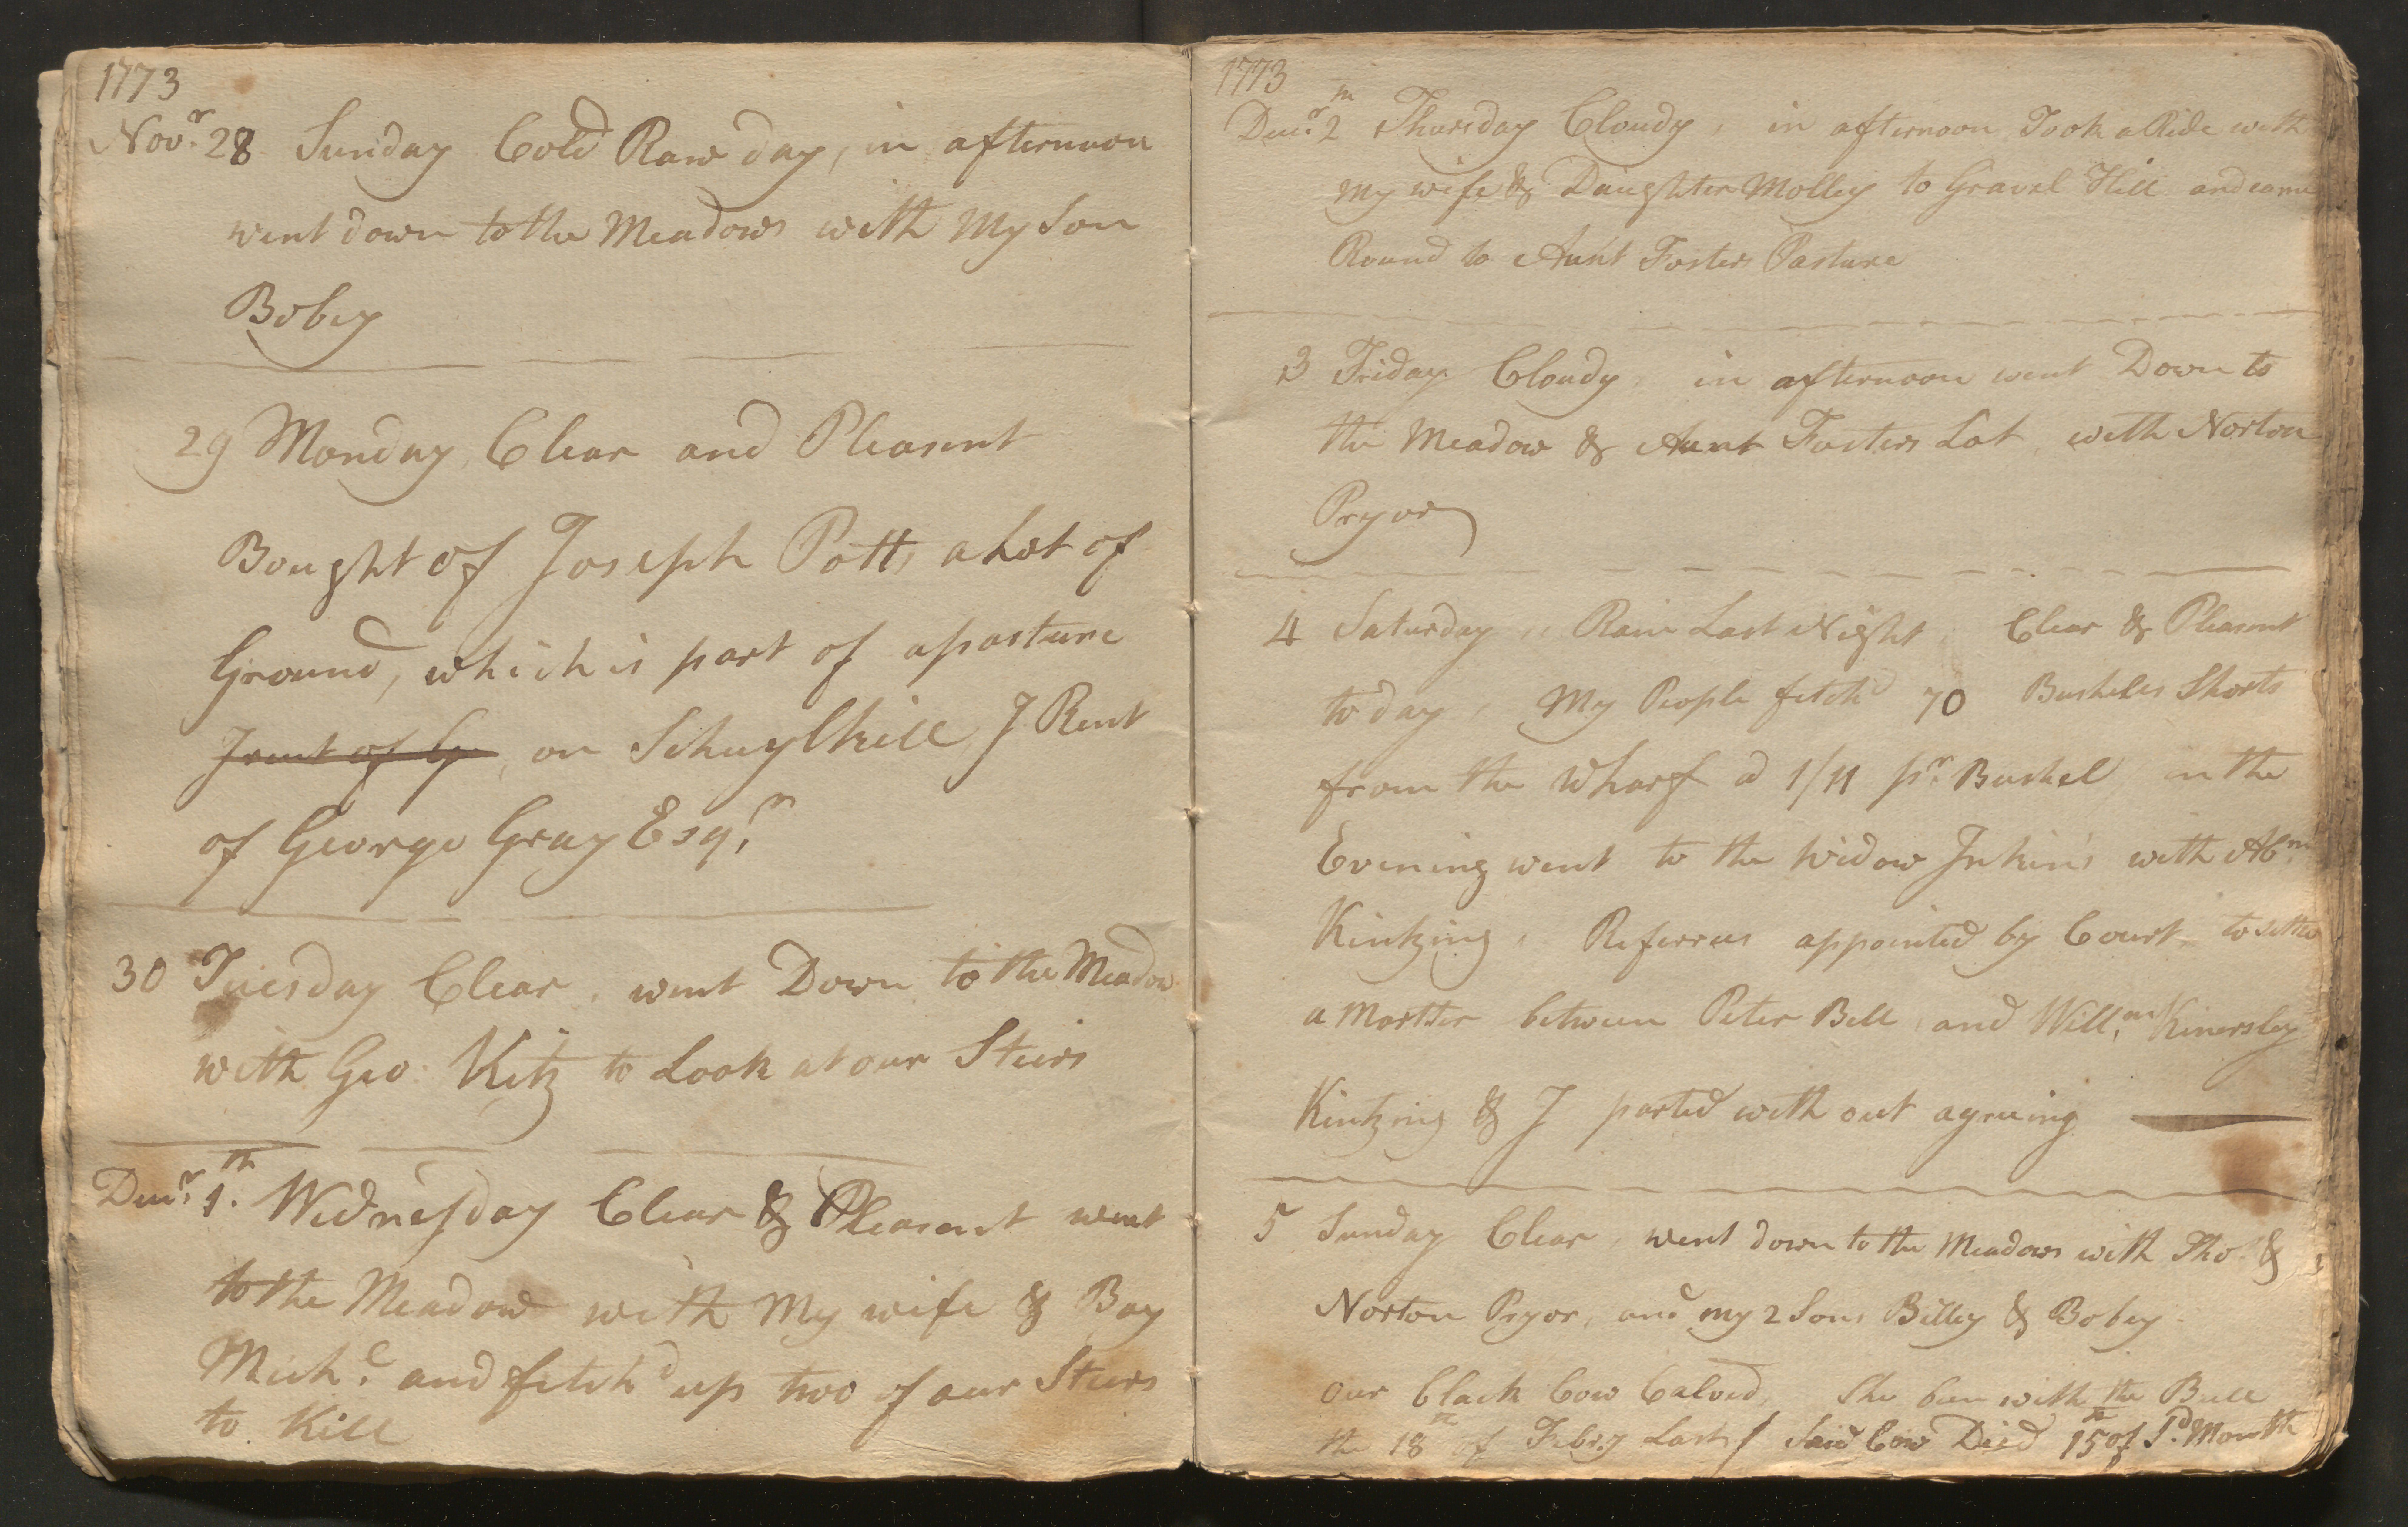1773
Nov^r. 28 Sunday Cold Raw day, in afternoon
went down to the Meadows with My Son
Bobey
29 Moneay Clear and Pleasent
Bought of Joseph Potts a Lot of
Ground, which is part of a pasture
[I rent of G] on Schuylkill I Rent
of George Gray Esq^r,
30 Tuesday Clear, went Down to the Meadow
with Geo: Kitz to Look at our Steers
Dec^r. 1^th. Wednesday Clear & Pleasent went
to the Meadow with My wife & Boy
Mich^l. and fetch^d up two fo our Steers
to Kill
1773
Dec^r. 2^th Thursday Cloudy, in afternoon Took a Ride with
my wife & Daughter Molley to Gravel Hill and came
Round to Aunt Fosters Pasture
3 Friday Cloudy, in afternoon went Down to
the Meadow & Aunt Fosters Lot with Norton
Pryor
4 Saturday, Rain Last Night, Clear & Pleasent
today My People fetch 70 Bushills Shorts
from the wharf @ 1s 11 p^r. Bushel in the
Evening went to the Widow Inkins with Ab^m.
Kintzing, Referrees appointed by Court to settle
a Mortter between Peter Bell and Will^m Kinersley
Kintzing & I parted with out agreeing
5 Sunday Clear, went down to the Meadows with Tho^s. &
Norton Pryor, and my 2 Sons Billey & Bobey
our black Cow Calved, She been with the Bull
the 18^th of Febr^y. Last / Said Cow Died 15^th. of s^d. Month